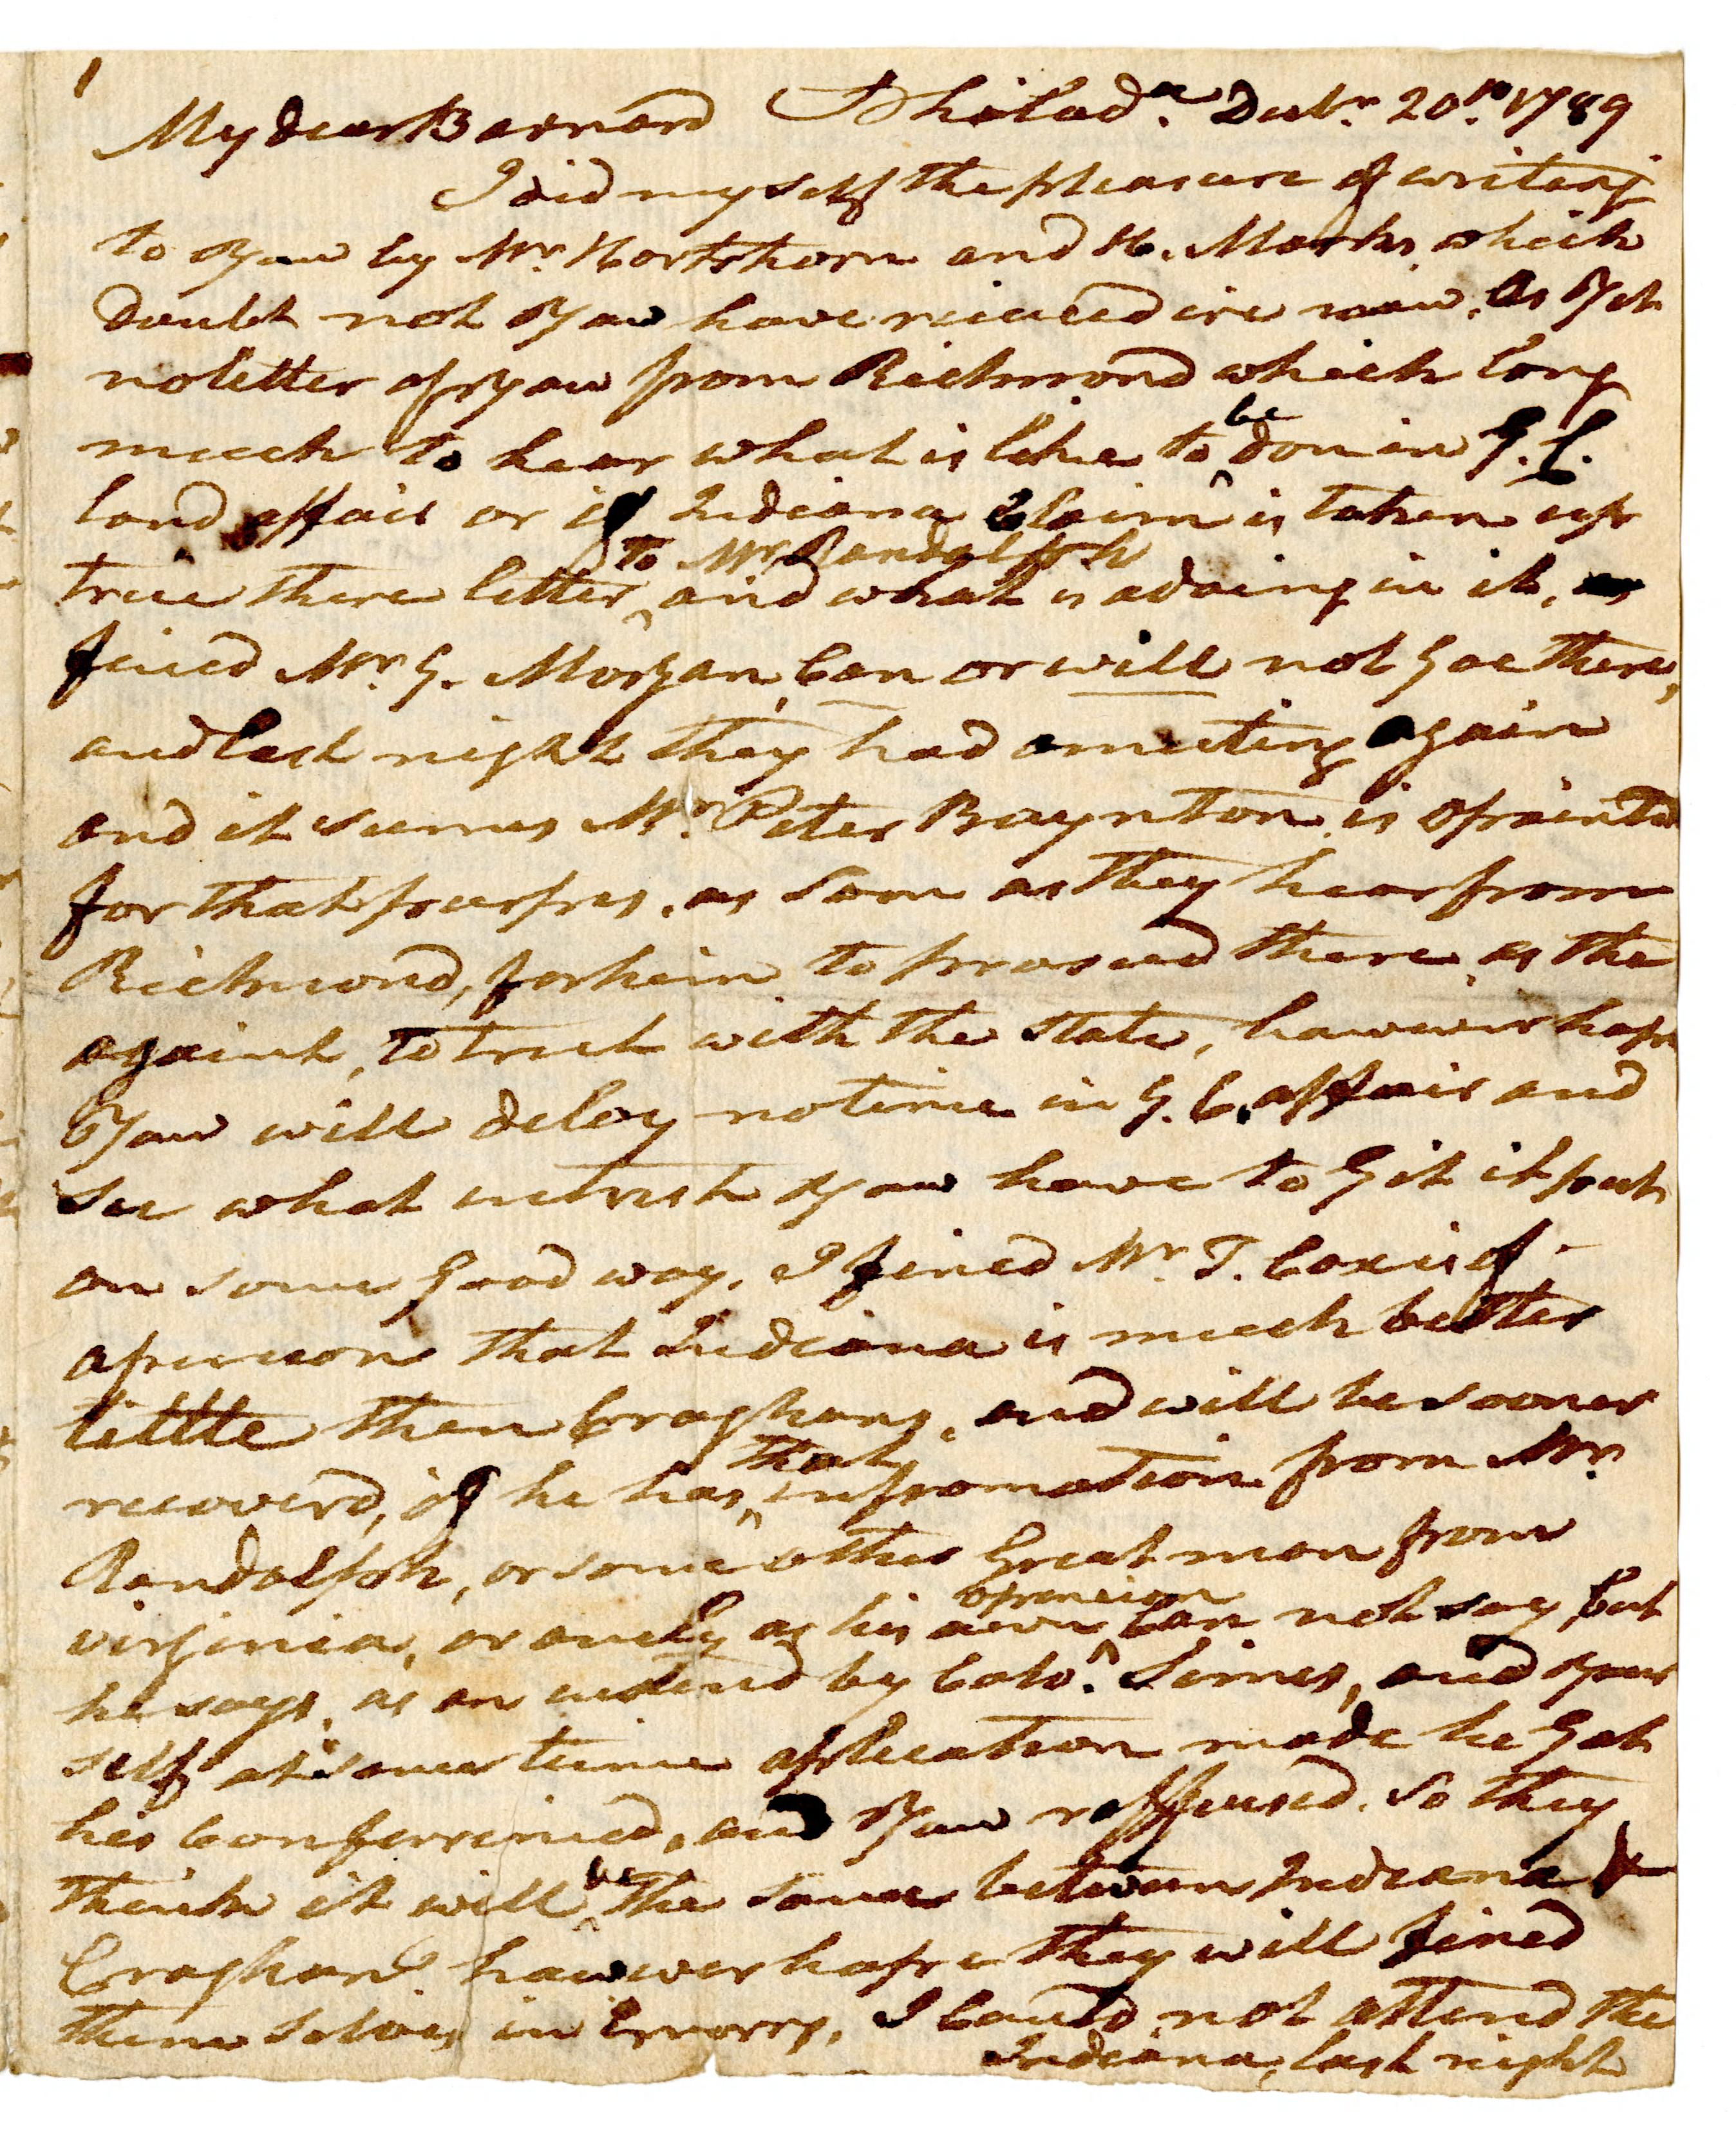Philad^a. Decb^r. 20^th. 1789
My dear Barnard
I did myself the pleasure of writing
to you by M^r. Northorn and Mr. Marks which
doubt not you have recieved in now as yet
no letter of you from Richmond which long
be
much to hear what is like to ^ don in G. C.
land affair or if Indiana affair is taken up
to M^r. Randolph
true there letter ^ and what is adoing in it,
Fined M^r G. Morgan can or will not goe there,
and last night they had a meeting again
and it seems M^r Peter Baynton is apointed
for that purpos, as soon as they hear from
Richmond for him to proceed there as the
against to trust with the state, however hope
you will delay no time in G. C. affair and
see what intrust you have to Git it past
on some good way, I fined M^r T. Cox is of
a person that Indiana is much better
little then Croghan. and will be sooner
that
recoverd, if he has ^ information from M^r.
Randolph, or some other Great man from
opinion
Virginia, or only as his own ^ can not say, but
he says, as in wanted by Colo. Simon, and your
self at some time affection made he sah
has conferrenied, and you reffused, so they
think it will ^be the same between Indiana &
Croghan however hope they will fined
them Selves in Errorrs, I could not attend the
Indiana last night